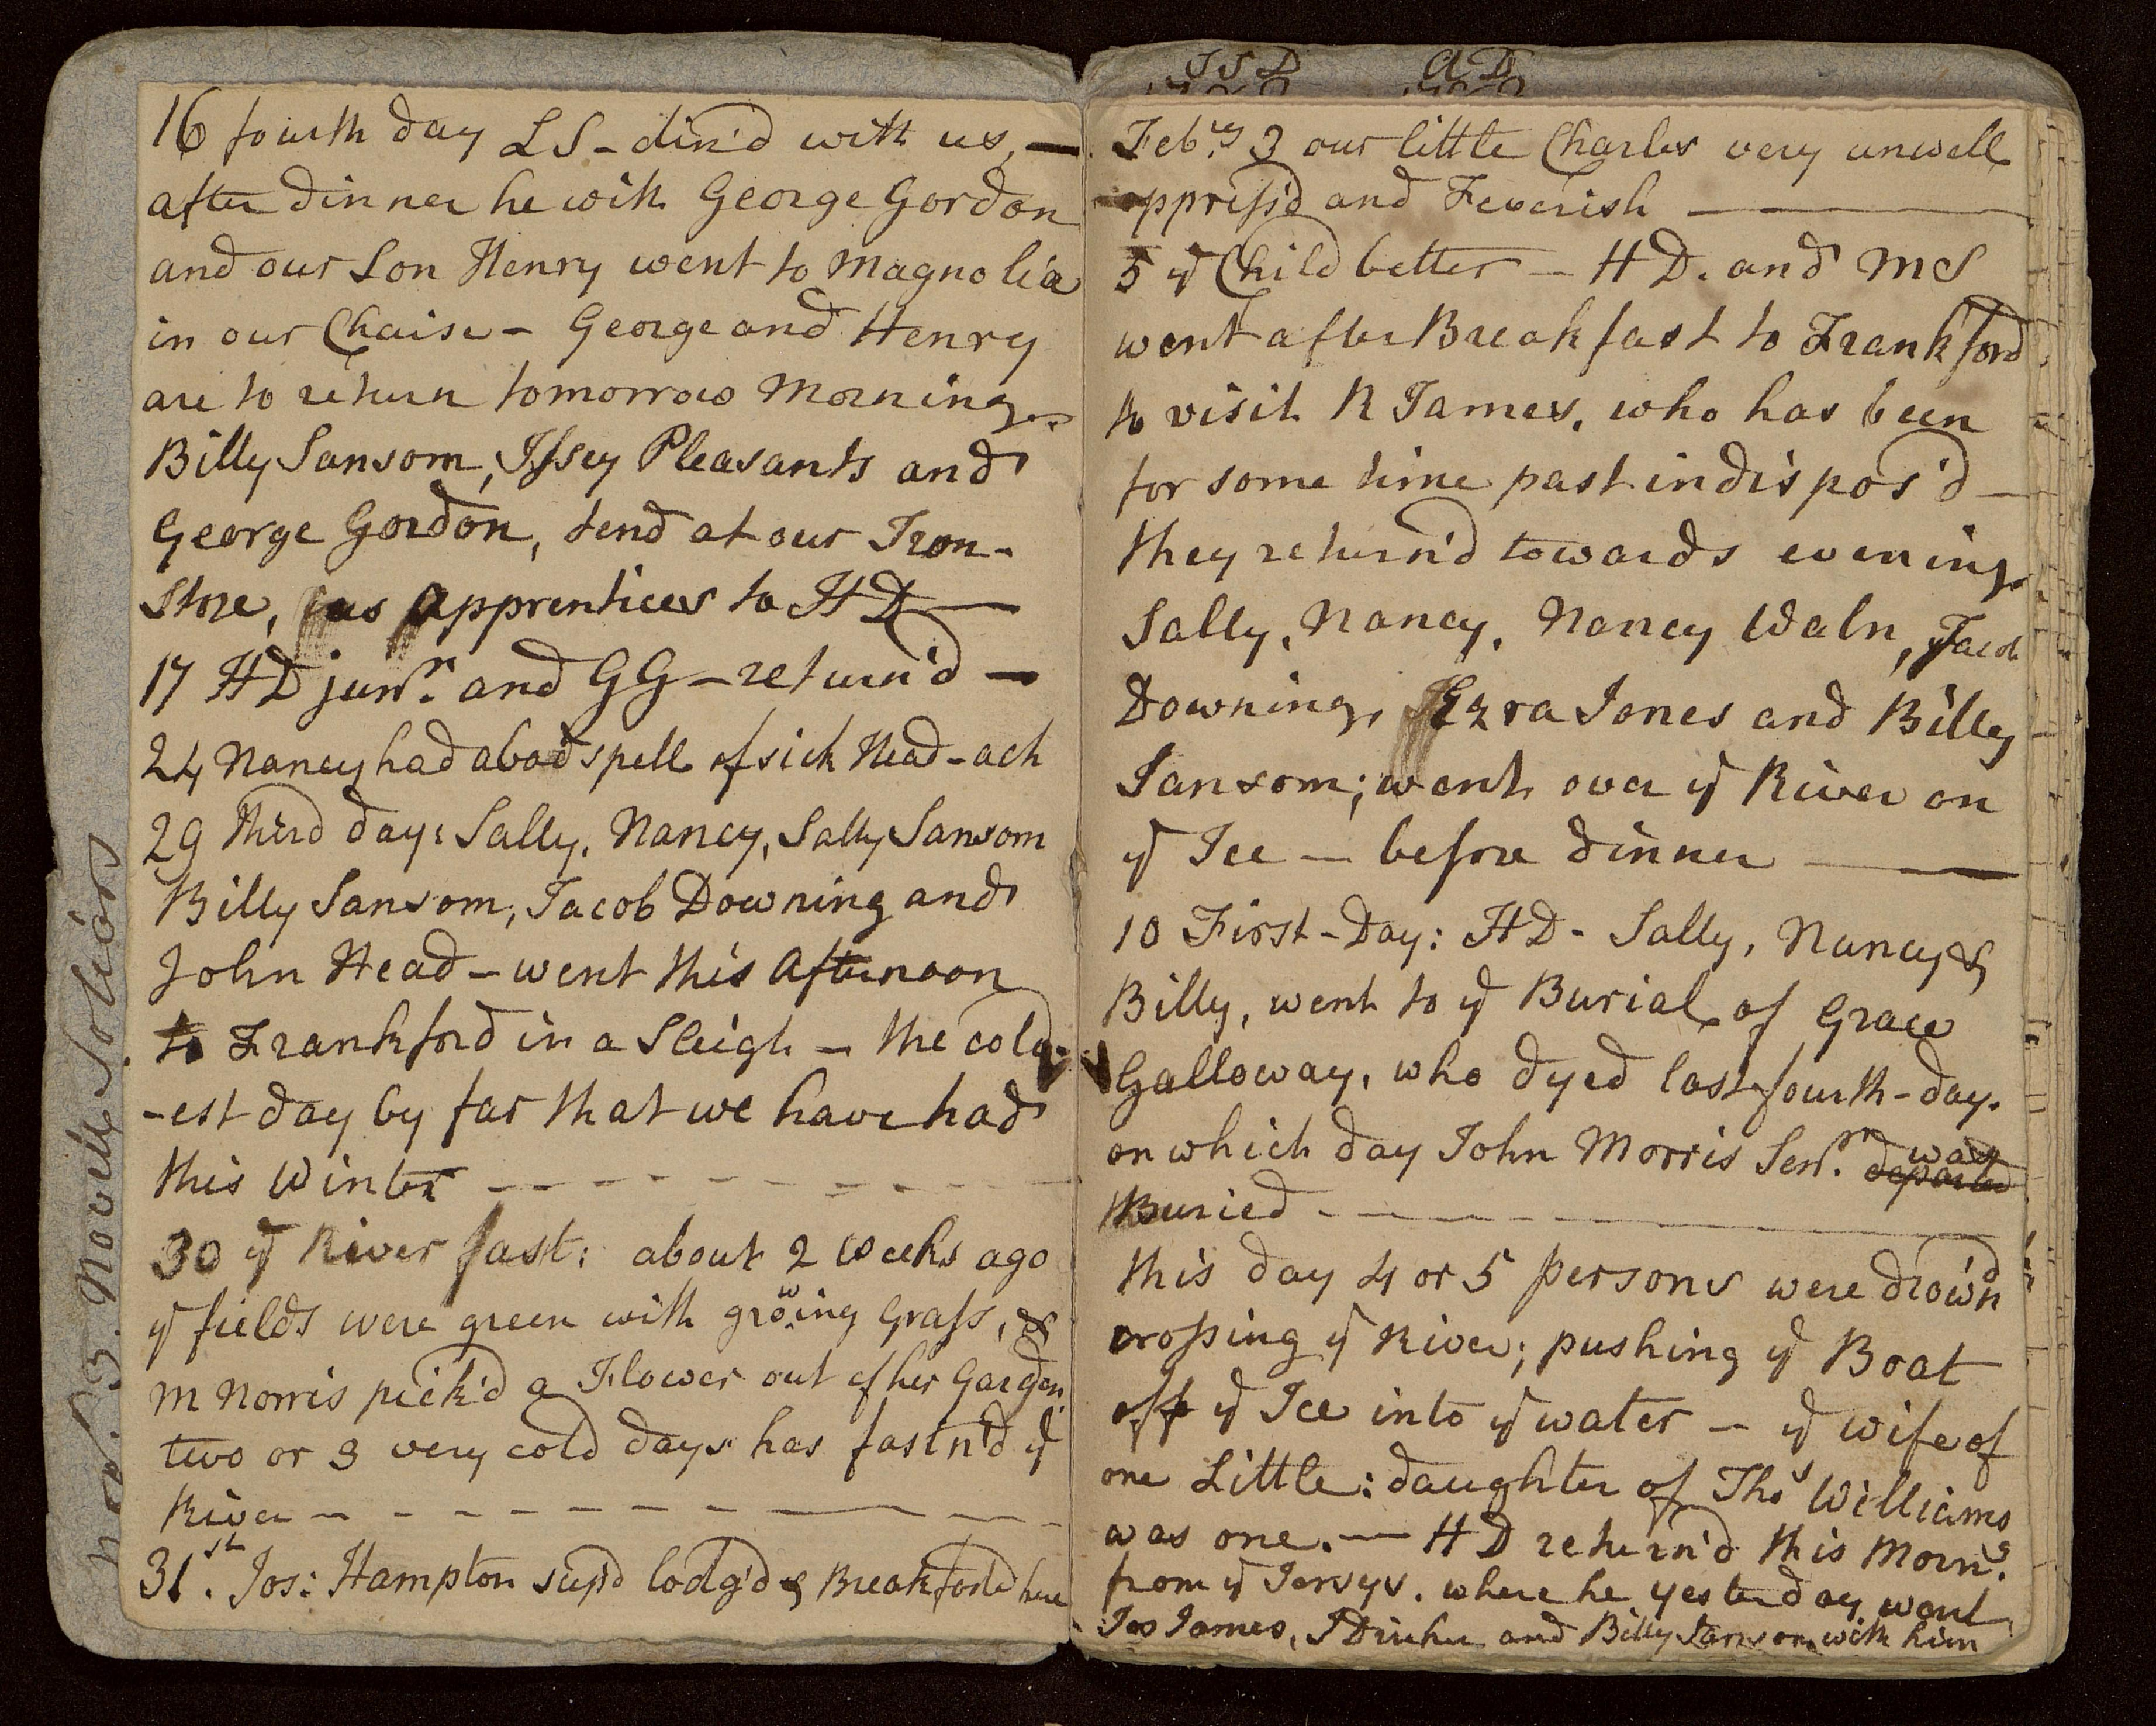16 fourth day LS- din'd with us-
after dinner he with George Gordon
and our Son Henry went to Magnolia
in our Chaise- George and Henry
are to return tomorrow Morning.
Billy Sansom, Issey Pleasants and
George Gordon, tend at our [Tron]-
Store, as Apprentices to HD-
17 H D jun^r and GG- return'd-
24 Nancy had abad spell of sick Head-ach
29 third day, Sally, Nancy, Sally Sansom
Billy Sansom, Jacob Downing and
John Head- went this Afternoon
to Frankford in a Sleigh- the cold-
-est day by far that we have had
this Winter-----
30 y^e River fast: about 2 Weeks ago
y^e fields were green with gro ^w ing Grass, &
M Norris pick'd a Flower out her Garden,
two or 3 very cold days has fastn'd y^e
River--- - --
31^st. Jos: Hampton sup'd lodg'd & Breakfastd here
Feb^ry 3 our little Charles very unwell
oppress'd and Feverish--
5 y^e Child better- HD. and MS
went after Breakfast to Frankford
to visit R James, who has been
for some time past indispos'd-
they return'd towards evening
Sally, Nancy, Nancy Waln, Jacob
Downing, Ezra Jones and Billy
Sansom; went over y^e River on
y^e Tee- before dinner-
10 First- Day: HD- Sally, Nancy &
Billy, went to y^e Burial of Grace
Galloway, who dyed last fourth- day.
was
on which day John Morris Sen^r. departed
Buried--.-- - ----
this day 4 or 5 persons were drown'd
crossing y^e River; pushing y^e Boat
off y^e Ice into y^e water- y^e wife of
one Little: daughter of Tho^s Williams
was one.- HD return'd this morn^g.
from y^e Jersys. where he yesterday wont
Jos James, J Drinker, and Billy Sansom with him